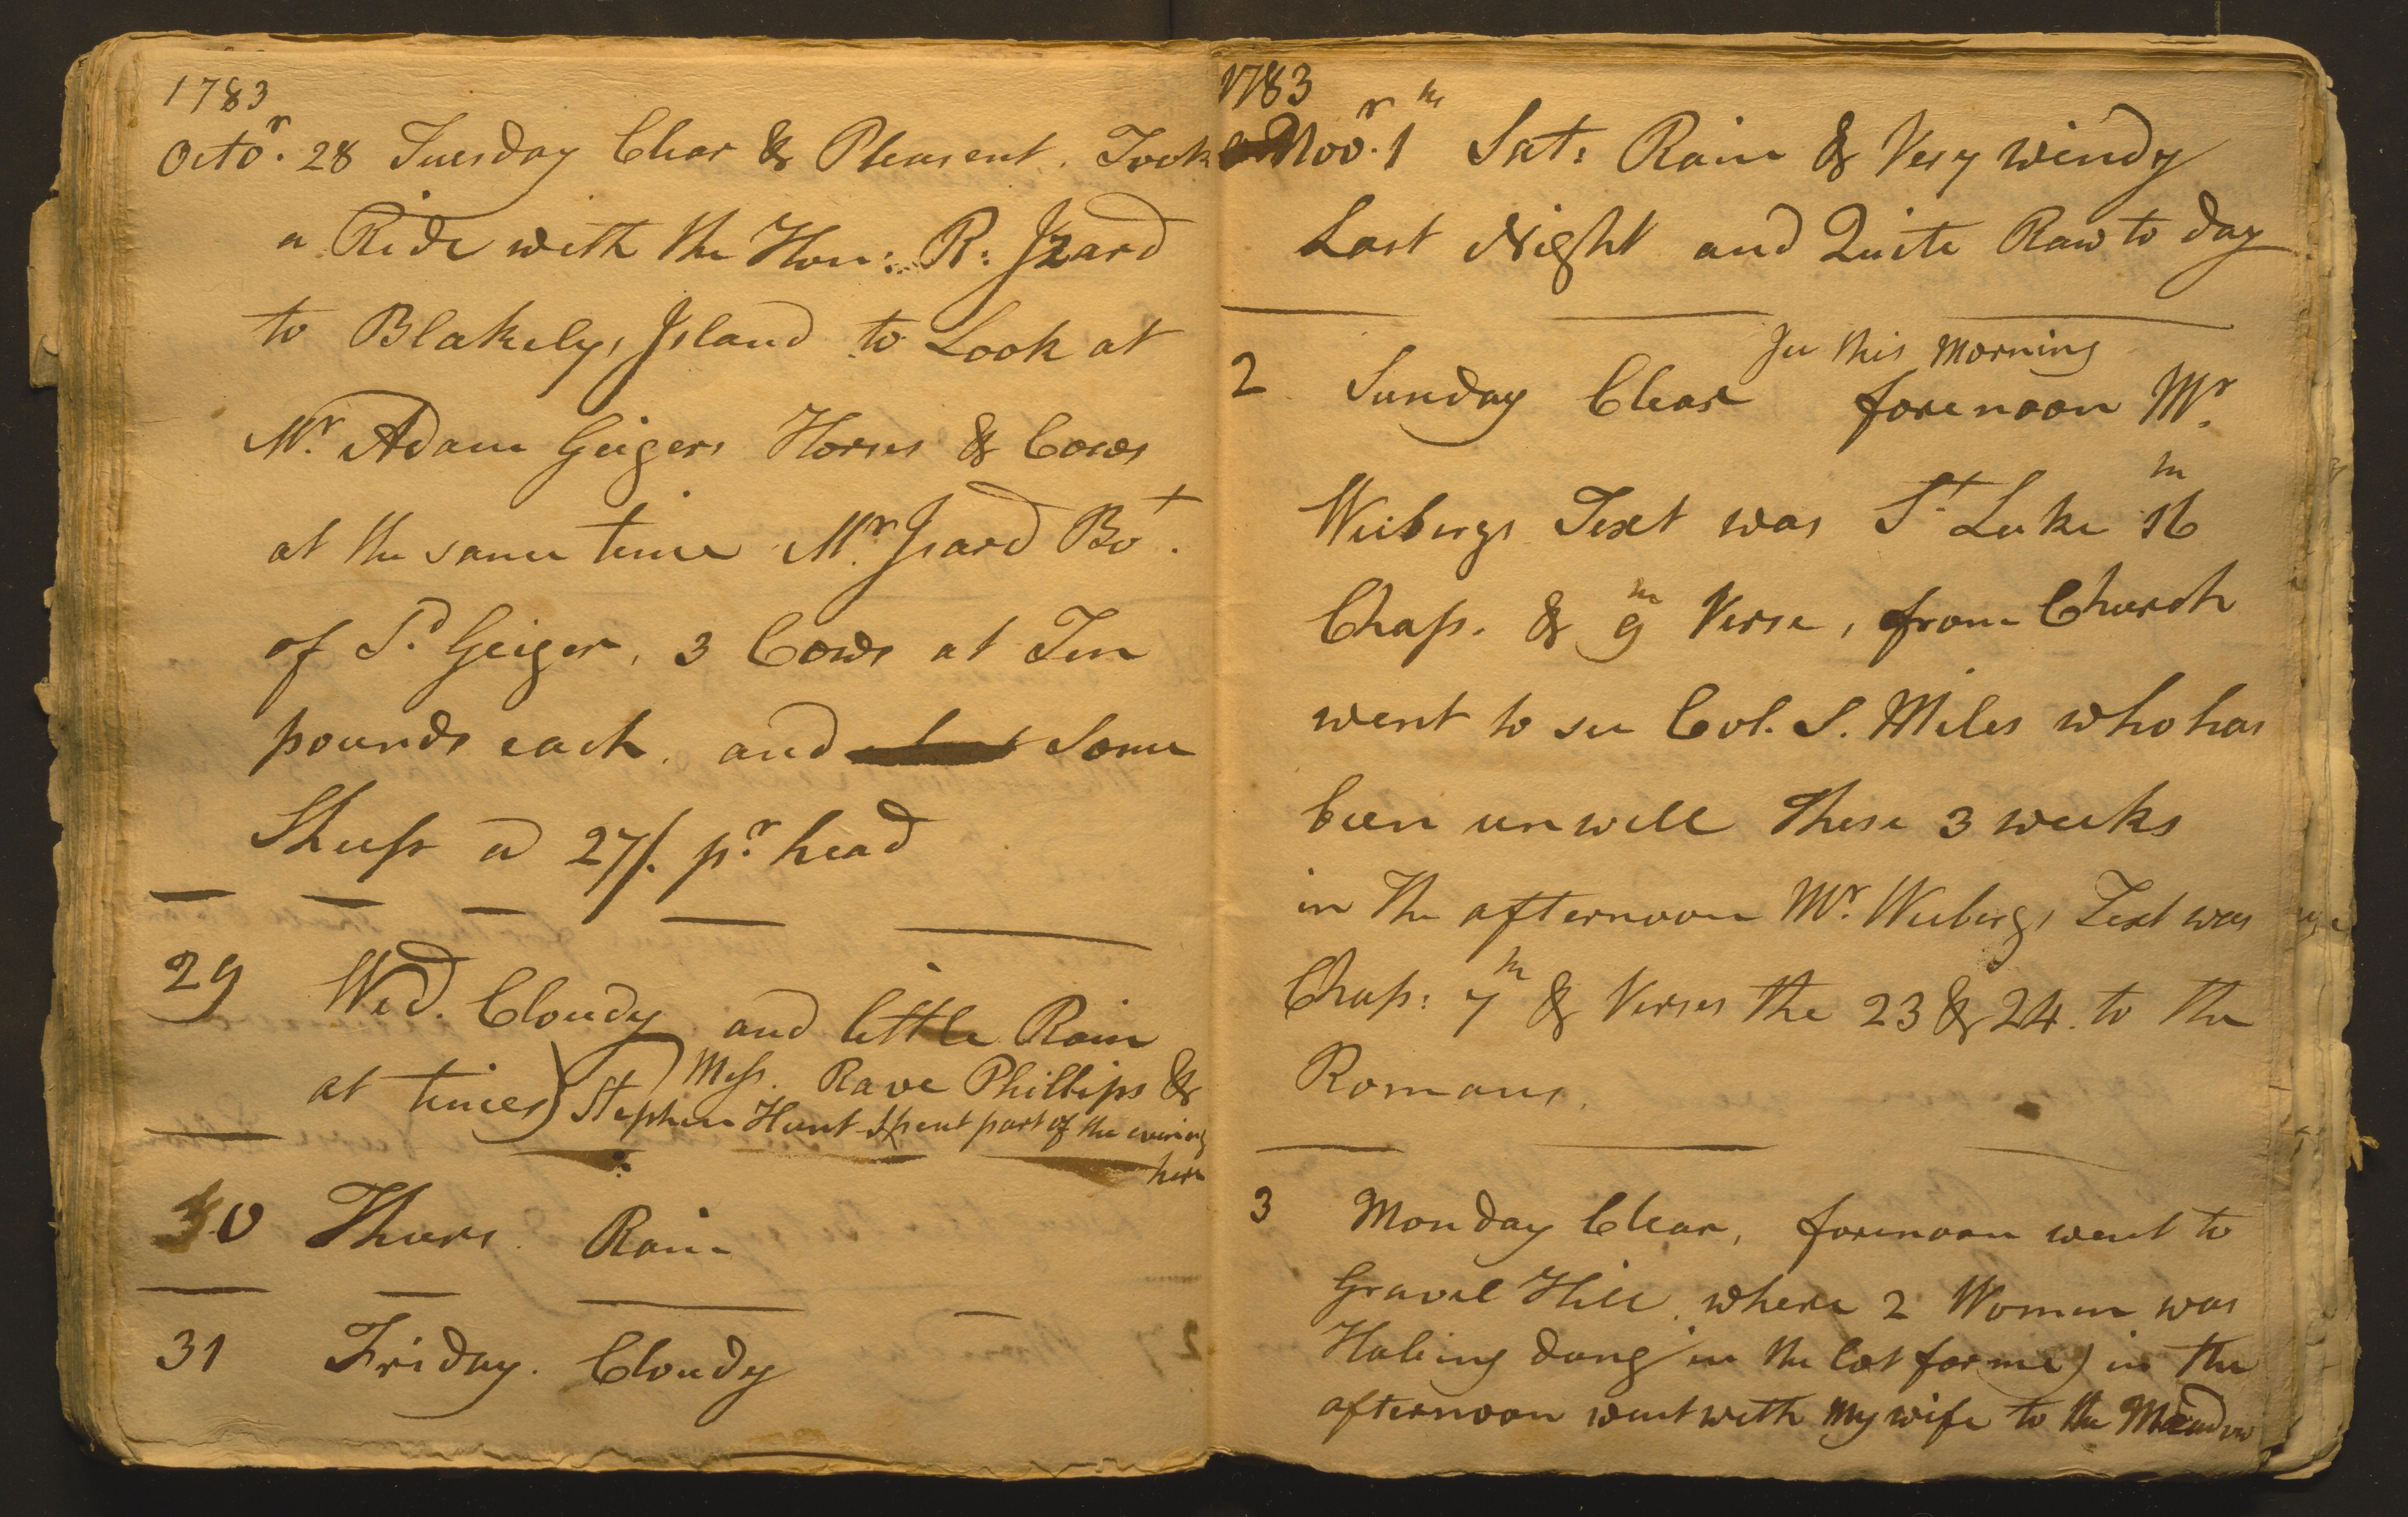1783
Octo^r. 28 Tuesday Clear & Pleasent. Took
a Ride with the Hon. R: Izard
to Blakely, Island to Look at
M^r. Adam Geigers Horses & Cows
at the sance time M^r. Izard Bo^t.
of s^d. Geiger, 3 Cows at Ten
pounds each, and [______] some
sheep w 27s. p^t. head
29 Wed. Cloudy and little Rain
Mess. Rave Phillops &
at times) Stephen Hunt Spent part of the evening
here
30 Thurs. Rain
31 Friday. Cloudy
1783
Nov^r. 1^th Sat. Rain & Very windy
Last Night and Quite Raw to day
Ice this Morning
2 Sunday Clear forenoon M^r.
Weibergs Text was S^t. Luke 16^th
Chap. & 9^th Verse, from Church
went to see Col. S. Miles who has
been unwell These 3 weeks
in the afternoon M^r. Weibergs Text was
Chap. 7^th & Verses the 23 & 24th. to the
Romans
3 Monday Clear, forenoon went to
Gravel Hill where 2 Women was
Haling dung in the lot for me) in the
afternoon went with My wife to the Meadow